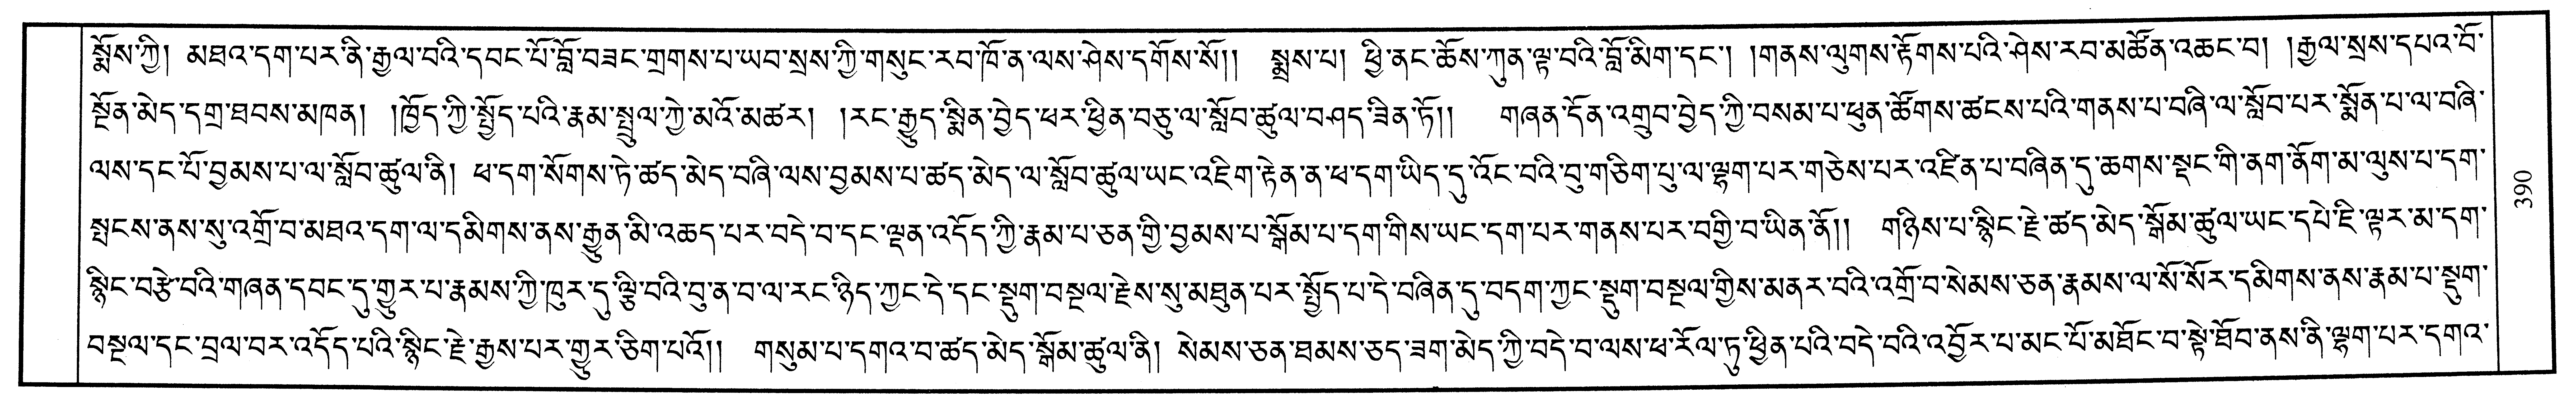སྨོས་ཀྱི། མཐའ་དག་པར་ནི་རྒྱལ་བའི་དབང་པོ་བློ་བཟང་གྲགས་པ་ཡབ་སྲས་ཀྱི་གསུང་རབ་ཁོ་ན་ལས་ཤེས་དགོས་སོ།། སྨྲས་པ། ཕྱི་ནང་ཆོས་ཀུན་ལྟ་བའི་བློ་མིག་དང་། །གནས་ལུགས་རྟོགས་པའི་ཤེས་རབ་མཚོན་འཆང་བ། །རྒྱལ་སྲས་དཔའ་བོ་
སྔོན་མེད་དགྲ་ཐབས་མཁན། །ཁྱོད་ཀྱི་སྤྱོད་པའི་རྣམ་སྤྲུལ་ཀྱེ་མའོ་མཚར། །རང་རྒྱུད་སྨིན་བྱེད་ཕར་ཕྱིན་བཅུ་ལ་སློབ་ཚུལ་བཤད་ཟིན་ཏོ།། གཞན་དོན་འགྲུབ་བྱེད་ཀྱི་བསམ་པ་ཕུན་ཚོགས་ཚངས་པའི་གནས་པ་བཞི་ལ་སློབ་པར་སྨོན་པ་ལ་བཞི་
ལས་དང་པོ་བྱམས་པ་ལ་སློབ་ཚུལ་ནི། ཕ་དག་སོགས་ཏེ་ཚད་མེད་བཞི་ལས་བྱམས་པ་ཚད་མེད་ལ་སློབ་ཚུལ་ཡང་འཇིག་རྟེན་ན་ཕ་དག་ཡིད་དུ་འོང་བའི་བུ་གཅིག་པུ་ལ་ལྷག་པར་གཅེས་པར་འཛིན་པ་བཞིན་དུ་ཆགས་སྡང་གི་ནག་ནོག་མ་ལུས་པ་དག་
སྤངས་ནས་སུ་འགྲོ་བ་མཐའ་དག་ལ་དམིགས་ནས་རྒྱུན་མི་འཆད་པར་བདེ་བ་དང་ལྡན་འདོད་ཀྱི་རྣམ་པ་ཅན་གྱི་བྱམས་པ་སྒོམ་པ་དག་གིས་ཡང་དག་པར་གནས་པར་བགྱི་བ་ཡིན་ནོ།། གཉིས་པ་སྙིང་རྗེ་ཚད་མེད་སྒོམ་ཚུལ་ཡང་དཔེ་ཇི་ལྟར་མ་དག་
སྙིང་བརྩེ་བའི་གཞན་དབང་དུ་གྱུར་པ་རྣམས་ཀྱི་ཁུར་དུ་ལྕི་བའི་བུ་ན་བ་ལ་རང་ཉིད་ཀྱང་དེ་དང་སྡུག་བསྔལ་རྗེས་སུ་མཐུན་པར་སྤྱོད་པ་དེ་བཞིན་དུ་བདག་ཀྱང་སྡུག་བསྔལ་གྱིས་མནར་བའི་འགྲོ་བ་སེམས་ཅན་རྣམས་ལ་སོ་སོར་དམིགས་ནས་རྣམ་པ་སྡུག་
བསྔལ་དང་བྲལ་བར་འདོད་པའི་སྙིང་རྗེ་རྒྱས་པར་གྱུར་ཅིག་པའོ།། གསུམ་པ་དགའ་བ་ཚད་མེད་སྒོམ་ཚུལ་ནི། སེམས་ཅན་ཐམས་ཅད་ཟག་མེད་ཀྱི་བདེ་བ་ལས་ཕ་རོལ་ཏུ་ཕྱིན་པའི་བདེ་བའི་འབྱོར་པ་མང་པོ་མཐོང་བ་སྟེ་ཐོབ་ནས་ནི་ལྷག་པར་དགའ་